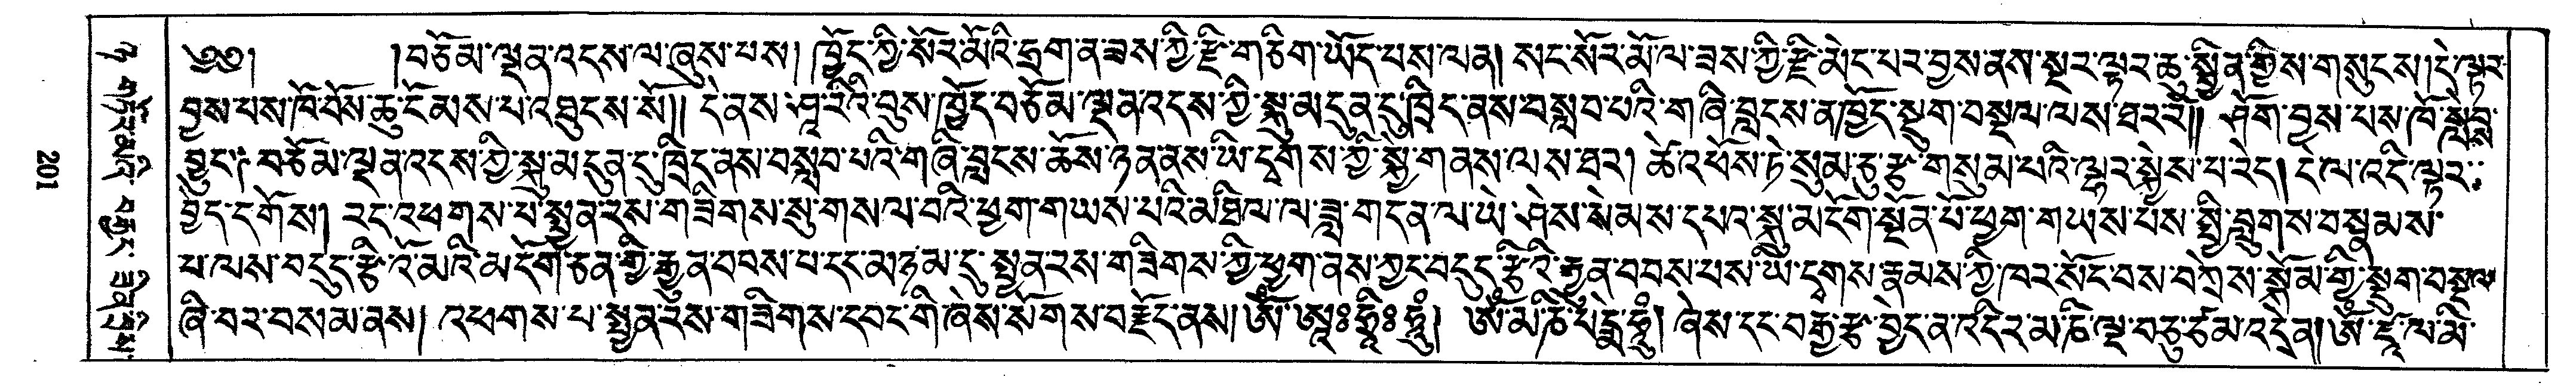༄༅། །བཅོམ་ལྡན་འདས་ལ་ཞུས་པས། ཁྱོད་ཀྱི་སོར་མོའི་ཧྲག་ན་ཟས་ཀྱི་རྫི་གཅིག་ཡོད་པས་ལན། སང་སོར་མོ་ལ་ཟས་ཀྱི་རྫི་མེད་པར་བྱས་ནས་སྔར་ལྟར་ཆུ་སྦྱིན་གྱིས་གསུངས། དེ་ལྟར་
བྱས་པས་ཁོ་བོས་ཆུ་ངོམས་པ་འཐུངས་སོ།། དེ་ནས་ཤཱ་རིའི་བུས་ཁྱོད་བཅོམ་ལྡན་འདས་ཀྱི་སྐུ་མདུན་དུ་ཁྲིད་ནས་བསླབ་པའི་གཞི་བླངས་ན་ཁྱོད་སྡུག་བསྔལ་ལས་ཐར་རོ།། ཤོག་བྱས་པས་ཁོ་སླེབས་
བྱུང༑ བཅོམ་ལྡན་འདས་ཀྱི་སྐུ་མདུན་དུ་ཁྲིད་ནས་བསླབ་པའི་གཞི་བླངས་ཆོས་ཉན་ནས་ཡི་དྭགས་ཀྱི་སྐྱེ་གནས་ལས་ཐར། ཚེ་འཕོས་ཏེ་སུམ་ཅུ་རྩ་གསུམ་པའི་ལྷར་སྐྱེས་པ་རེད། དེ་ལ་འདི་ལྟར་
བྱེད་དགོས། རང་འཕགས་པ་སྤྱན་རས་གཟིགས་སུ་གསལ་བའི་ཕྱག་གཡས་པའི་མཐིལ་ལ་ཟླ་གདན་ལ་ཡེ་ཤེས་སེམས་དཔའ་སྐུ་མདོག་སྔོན་པོ་ཕྱག་གཡས་པས་སྤྱི་བླུགས་བསྣམས་
པ་ལས་བདུད་རྩི་འོ་མའི་མདོག་ཅན་གྱི་རྒྱུན་བབས་པ་དང་མཉམ་དུ་སྤྱན་རས་གཟིགས་ཀྱི་ཕྱག་ནས་ཀྱང་བདུད་རྩིའི་རྒྱུན་བབས་པས་ཡི་དྭགས་རྣམས་ཀྱི་ཁར་སོང་བས་བཀྲེས་སྐོམ་གྱི་སྡུག་བསྔལ་
ཞི་བར་བསམ་ནས། འཕགས་པ་སྤྱན་རས་གཟིགས་དབང་གི་ཞེས་སོགས་བརྗོད་ནས། ཨོཾ་ཨཱཿཧྲཱིཿཧཱུཾ། ཨོཾ་མ་ཎི་པདམེ་ཧཱུཾ། ཞེས་དང་བརྒྱ་རྩ་བྱེད་ན་འདིར་མ་ཎི་ལྔ་བཅུ་ཙམ་འདྲེན། ཨོཾ་ཛཱ་ལ་མི་